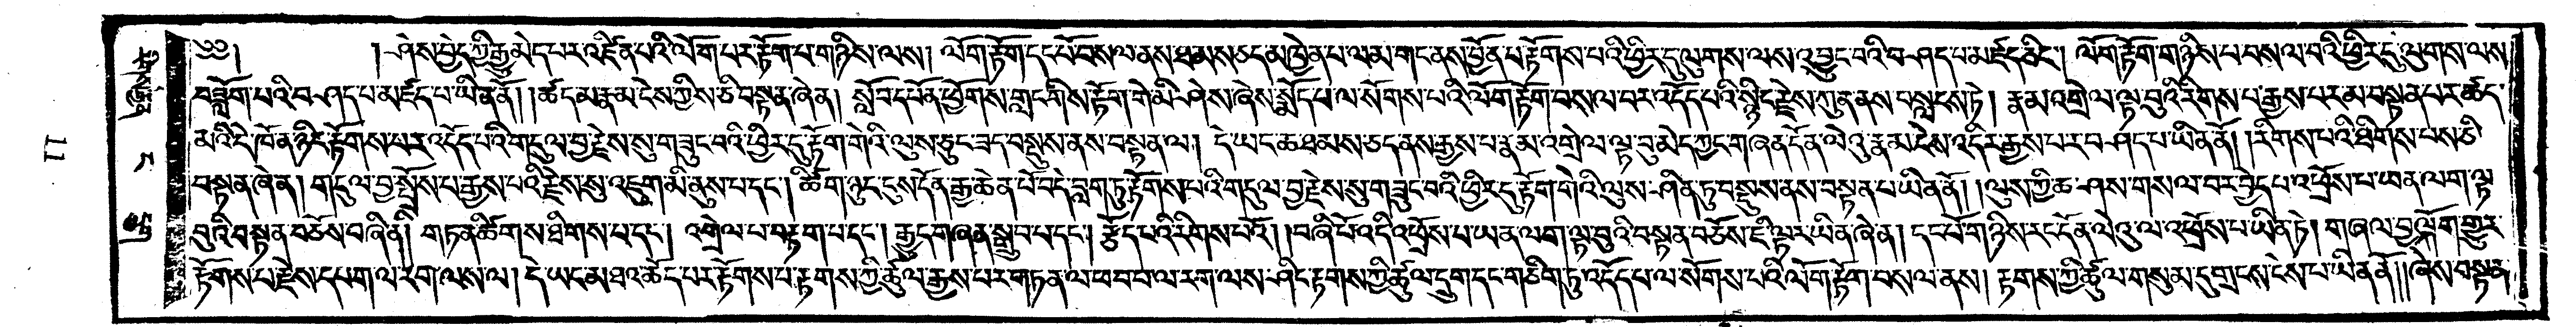༄༅། །ཤེས་བྱེད་ཀྱི་རྒྱུ་མེད་པར་འཛིན་པའི་ལོག་པར་རྟོག་པ་གཉིས་ལས། ལོག་རྟོག་དང་པོ་བསལ་ནས་ཐམས་ཅད་མཁྱེན་པ་ལམ་གང་ནས་བྱོན་པ་རྟོགས་པའི་ཕྱིར་དུ་ལུགས་ལས་འབྱུང་བའི་བཤད་པ་མཛད་ཅིང་། ལོག་རྟོག་གཉིས་པ་བསལ་བའི་ཕྱིར་དུ་ལུགས་ལས་
བཟློག་པའི་བཤད་པ་མཛད་པ་ཡིན་ནོ། །ཚད་མ་རྣམ་ངེས་ཀྱིས་ཅི་བསྟན་ཞེ་ན། སློབ་དཔོན་ཕྱོགས་གླང་གིས་རྟོག་གེ་མི་ཤེས་ཞེས་སྨོད་པ་ལ་སོགས་པའི་ལོག་རྟོག་བསལ་བར་འདོད་པའི་སྙིང་རྗེས་ཀུན་ནས་བསླངས་ཏེ། རྣམ་འགྲེལ་ལྟ་བུའི་རིགས་པ་རྒྱས་པར་མ་བསྟན་པར་ཚད་
མའི་དེ་ཁོ་ན་ཉིད་རྟོགས་པར་འདོད་པའི་གདུལ་བྱ་རྗེས་སུ་གཟུང་བའི་ཕྱིར་དུ་རྟོག་གེའི་ལུས་ཅུང་ཟད་བསྡུས་ནས་བསྟན་ལ། དེ་ཡང་ཆ་ཐམས་ཅད་ནས་རྒྱས་པ་རྣམ་འགྲེལ་ལྟ་བུ་མེད་ཀྱང་གཞན་དོན་ལེའུ་རྣམ་ངེས་འདིར་རྒྱས་བར་བཤད་པ་ཡིན་ནོ། །རིགས་པའི་ཐིགས་པས་ཅི་
བསྟན་ཞེ་ན། གདུལ་བྱ་སྤྲོས་པ་རྒྱས་པའི་རྗེས་སུ་འཇུག་མི་ནུས་པ་དང་། ཚིག་ཉུང་དུས་དོན་རྒྱ་ཆེན་པོ་བདེ་བླག་ཏུ་རྟོགས་པའི་གདུལ་བྱ་རྗེས་སུ་གཟུང་བའི་ཕྱིར་དུ་རྟོག་གེའི་ལུས་ཤིན་ཏུ་བསྡུས་ནས་བསྟན་པ་ཡིན་ནོ། །ལུས་ཀྱི་ཆ་ཤས་གསལ་བར་བྱེད་པ་འཕྲོས་པ་ཡན་ལག་ལྟ་
བུའི་བསྟན་བཅོས་བཞི་ནི། གཏན་ཚིགས་ཐིགས་པ་དང་། འབྲེལ་པ་བརྟག་པ་དང་། རྒྱུད་གཞན་སྒྲུབ་པ་དང་། རྩོད་པའི་རིགས་པའོ། །བཞི་པོ་འདི་འཕྲོས་པ་ཡན་ལག་ལྟ་བུའི་བསྟན་བཅོས་ཇི་ལྟར་ཡིན་ཞེ་ན། དང་པོ་གཉིས་རང་དོན་ལེའུ་ལ་འཕྲོས་པ་ཡིན་ཏེ། གཞལ་བྱ་ལྐོག་གྱུར་
རྟོགས་པ་རྗེས་དཔག་ལ་རག་ལས་ལ། དེ་ཡང་མཐའ་ཆོད་པར་རྟོགས་པ་རྟགས་ཀྱི་ཚུལ་རྒྱས་པར་གཏན་ལ་ཕབ་པ་ལ་རག་ལས་ཤིང་རྟགས་ཀྱི་ཚུལ་དྲུག་དང་གཅིག་ཏུ་འདོད་པ་ལ་སོགས་པའི་ལོག་རྟོག་བསལ་ནས། རྟགས་ཀྱི་ཚུལ་གསུམ་དུ་གྲངས་ངེས་པ་ཡིན་ནོ། །ཞེས་བསྟན་